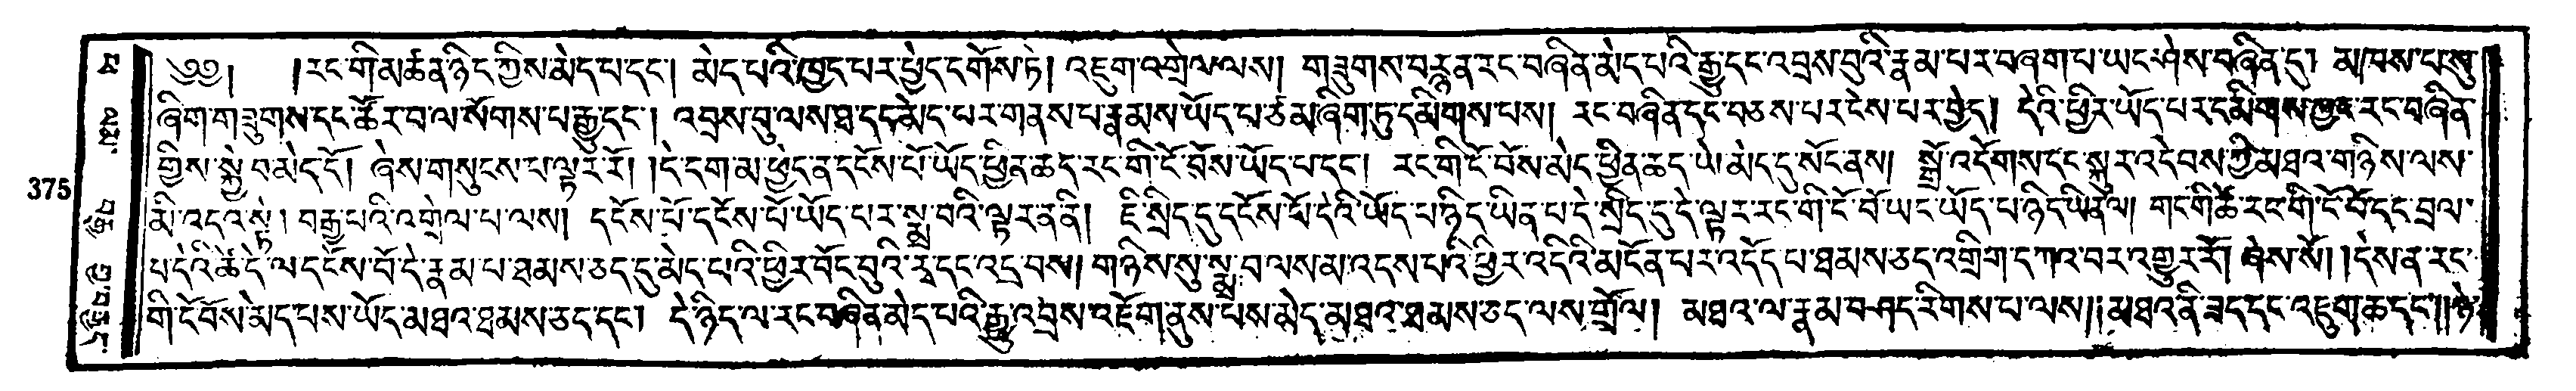༄༅། །རང་གི་མཚན་ཉིད་ཀྱིས་མེད་པ་དང་། མེད་པའི་ཁྱད་པར་ཕྱེད་དགོས་ཏེ། འཇུག་འགྲེལ་ལས། གཟུགས་བརྙན་རང་བཞིན་མེད་པའི་རྒྱུ་དང་འབྲས་བུའི་རྣམ་པར་བཞག་པ་ཡང་ཤེས་བཞིན་དུ། མཁས་པ་སུ་
ཞིག་གཟུགས་དང་ཚོར་བ་ལ་སོགས་པ་རྒྱུ་དང་། འབྲས་བུ་ལས་ཐ་དང་མེད་པར་གནས་པ་རྣམས་ཡོད་ཙམ་ཞིག་ཏུ་དམིགས་པས། རང་བཞིན་དང་བཅས་པར་ངེས་པར་བྱེད། དེའི་ཕྱིར་ཡོད་པར་དམིགས་ཀྱང་རང་བཞིན་
གྱིས་སྐྱེ་བ་མེད་དོ། ཞེས་གསུངས་པ་ལྟར་རོ། །དེ་དག་མ་ཕྱེད་ན་དངོས་པོ་ཡོད་ཕྱིན་ཆད་རང་གི་ངོ་བོས་ཡོད་པ་དང་། རང་གི་ངོ་བོས་ཡོད་པ་དང་། རང་གི་ངོ་བོས་མེད་ཕྱིན་ཆད་ཡེ་མེད་དུ་སོང་ནས། སྒྲོ་འདོགས་དང་སྐུར་འདེབས་ཀྱི་མཐའ་གཉིས་ལས་
མི་འདའ་སྟེ། བརྒྱ་བའི་འགྲེལ་པ་ལས། དངོས་པོ་དངོས་པོ་ཡོད་པར་སྨྲ་བའི་ལྟར་ན་ནི། ཇི་སྲིད་དུ་དངོས་པོ་དེའི་ཡོད་པ་ཉིད་ཡིན་པ་དེ་སྲིད་དུ་དེ་ལྟར་རང་གི་ངོ་བོ་ཡང་ཡོད་པ་ཉིད་ཡིན་ལ། གང་གི་ཚེ་རང་གི་ངོ་བོ་དང་བྲལ་
པ་དེའི་ཚེ་དེ་ལ་དངོས་པོ་དེ་རྣམས་པ་ཐམས་ཅད་དུ་མེད་པའི་ཕྱིར་བོང་བུའི་རྭ་དང་འདྲ་བས། གཉིས་སུ་སྨྲ་བ་ལས་མ་འདས་པའི་ཕྱིར་འདིའི་མངོན་པར་འདོད་པ་ཐམས་ཅད་འགྲིག་དཀའ་བར་འགྱུར་རོ། ཞེས་སོ། །དེས་ན་རང་
གི་ངོ་བོས་མེད་པས་ཡོད་མཐའ་ཐམས་ཅད་དང་། དེ་ཉིད་ལ་རང་བཞིན་མེད་པའི་རྒྱུ་འབྲས་འཇོག་ནུས་པས་མེད་མཐའ་ཐམས་ཅད་ལས་གྲོལ། མཐའ་ལ་རྣམ་བཤད་རིགས་པ་ལས། །མཐའ་ནི་ཟད་དང་འཇུག་ཆ་དང་། །ཉེ་